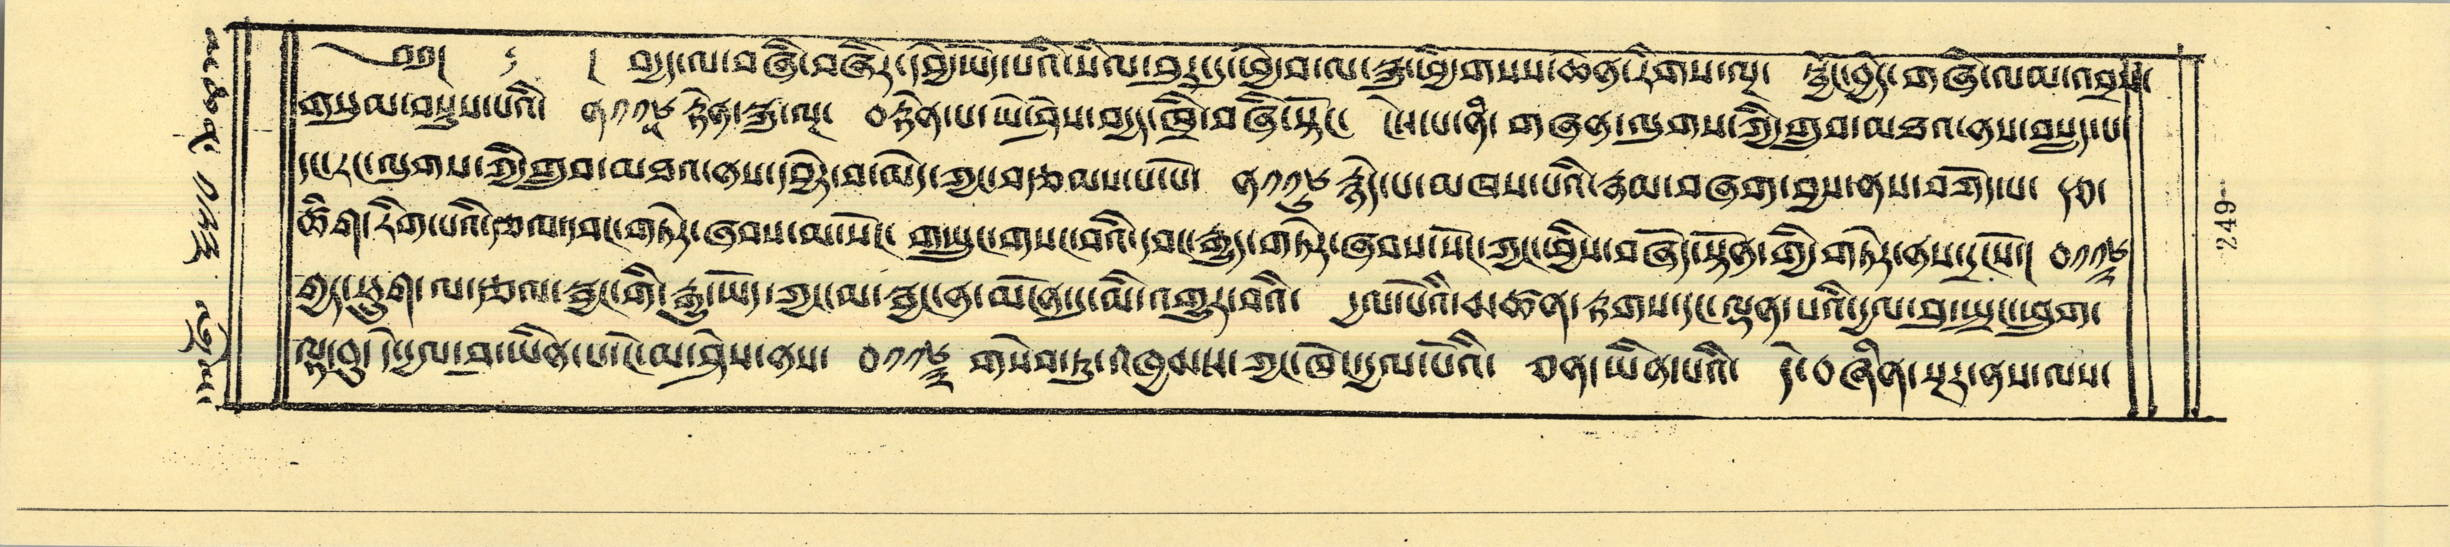བརྒྱད་ལ་བཞི་བཞིར་དབྱེ་ཡོད་པའི་སིལ་བུར་དུ་ཕྱེ་བ་ལ་སྐུ་ཕྱི་གསས་ཆེན་རིགས་ལྔ། སྦྱོང་བྱེད་གཞི་ལམ་འབྲས་
གསུམ་བསྡུས་པའི། ན༡༡༦།༥ རྟེན་སྐུ་ལྔ། བརྟེན་པ་ཡེ་ཤེས་བརྒྱད་ཁྲི་བཞི་སྟོང། ངེས་པ་ནི་གཞན་ལུགས་ཀྱི་གྲུབ་མཐའ་ནས་བསླད་པ་
དང་རང་ལུགས་ཀྱི་གྲུབ་མཐའ་ནས་དབྱེར་བ་མེད་ཀྱང་བརྩམས་པ་པོ། ན༡༡༦།༦ རྙེད་པ་མཁས་པའི་རྣམ་བཞག་བྱས་ནས་བཀོད་པ། རྩ་
ཚིག་རིག་པའི་རྩལ་དབང་གཏེར་ཞབས་མ་སོང། གཡུང་དྲུང་གསང་བའི་དབང་རྒྱུད་གཏེར་ཞབས་སོང་ཀྱང་ཕྱིས་བཞོད་སྟོན་གྱི་གཏེར་ནས་དྲངས་སོ། བ༡༡༦།༢ 
གྱད་ཕྲུག་ལ་རྩལ་སྦྱང་གི་རྒྱུ་ཡོད་ཀྱང་མ་སྦྱང་ན་མངོན་དུ་མི་འགྱུར་བའི། རྒྱལ་པོའི་མཚན་རྟགས་དང་ལྡན་པའི་རྒྱལ་བུ་སྤྲང་ཕྲུག་ 
ལྟ་བུ་དེ་རྒྱལ་བུ་ཡིན་པ་ངོ་མ་ཤེས་ནས། བ༡༡༦།༣ གསེབ་ཏུ་འཁྱམས་ཀྱང་ཁོང་རྒྱལ་པོའི་ ཅན་ཡིན་པའི་ དེ་བཞིན་སྔར་ནས་ལས་